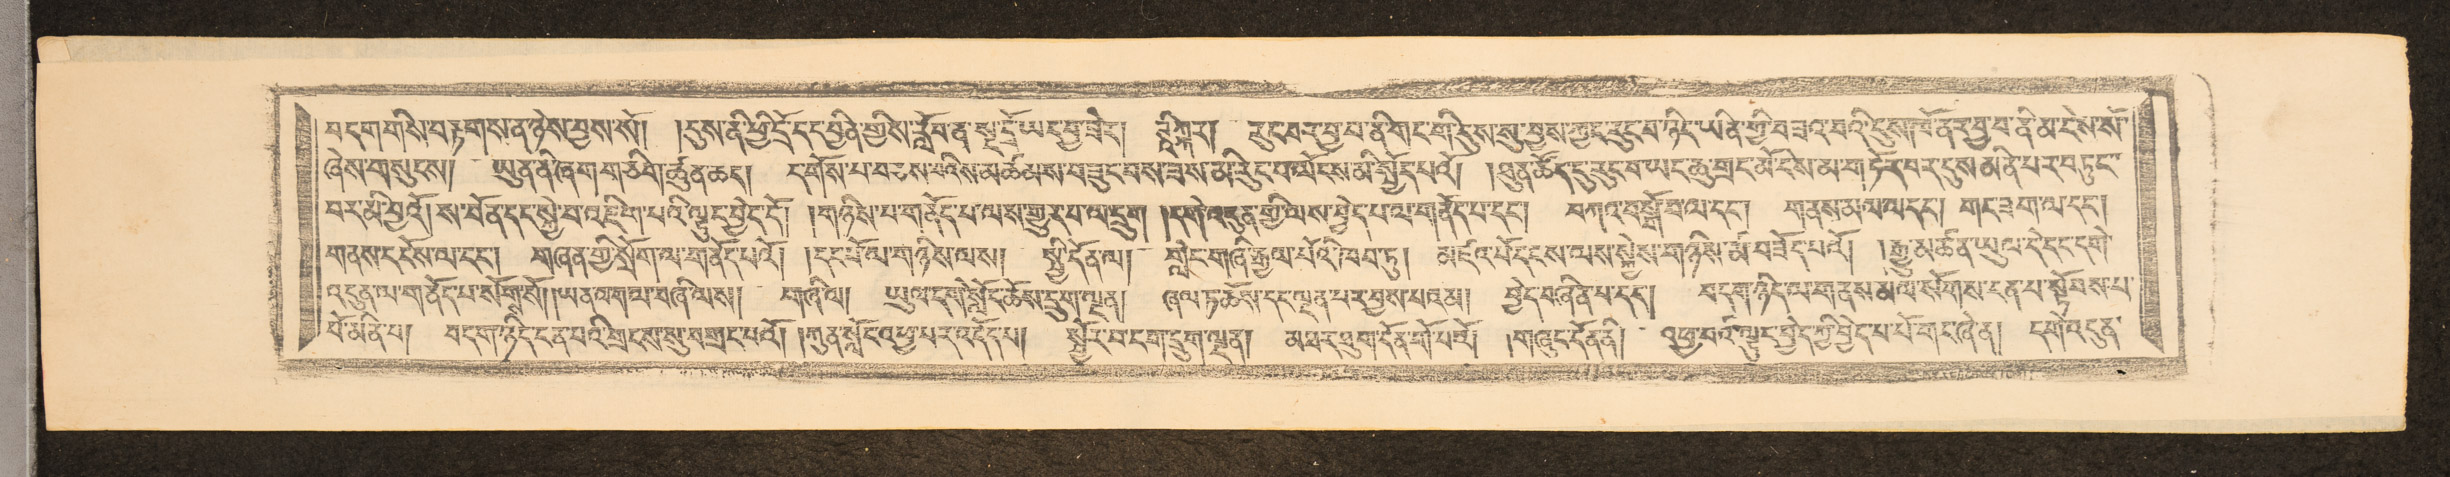བདག་གིས་བརྟགས་ན་ཉེས་བྱས་སོ། །དུས་ནི་ཕྱི་དྲོ་དང་བྱིན་གྱིས་རློབ་ན་སྔ་དྲོ་ཡང་བྱ་ཟེར། ཊཱིཀྐར། རུང་བར་བྱ་བ་ནི་གང་གི་དུས་སུ་བྱས་ཀྱང་རུང་བ་ཉིད་ཡིན་གྱི་བཟའ་བའི་དུས་ཁོ་ནར་བྱ་བ་ནི་མ་ངེས་སོ་
ཞེས་གསུངས། ཡུན་ནི་ཞག་གཅིག་ཚུན་ཆད། དགོས་པ་བཅས་བའི་ས་མཚམས་བཟུང་བས་ཟས་མི་རུང་བ་ལོངས་མི་སྤྱོད་པའོ། །ཐུན་ཚོད་དུ་རུང་བ་ཡང་ཆུ་གྲང་མོ་དེས་མ་གཏོར་བར་དུས་མིན་པར་བཏུང་
བར་མི་བྱའོ། ས་བོན་དང་སྐྱེ་བ་འཇིག་པའི་ལྟུང་བྱེད་དོ། །གཉིས་པ་གནོད་པ་ལས་གྱུར་པ་ལ་དྲུག །དགེ་འདུན་གྱི་ལས་བྱེད་པ་ལ་གནོད་པ་དང་། བཀའ་བསྒོ་བ་ལ་དང་། གནས་མལ་ལ་དང་། གང་ཟག་ལ་དང་།
གནས་དངོས་ལ་དང་། གཞན་གྱི་སྲོག་ལ་གནོད་པའོ། །དང་པོ་ལ་གཉིས་ལས། སྤྱི་དོན་ལ། གླེང་གཞི་རྒྱལ་པོའི་ཁབ་ཏུ། མཛའ་བོ་དང་ས་ལས་སྐྱེས་གཉིས་མི་བཟོད་པའོ། །རྒྱུ་མཚན་ཡུལ་དེ་དང་དགེ་
འདུན་ལ་གནོད་པ་སོགས་སོ། །ཡན་ལག་ལ་བཞི་ལས། གཞི་ལ། ཡུལ་དགེ་སློང་ཆོས་དྲུག་ལྡན། ཞལ་ཏ་ཆོས་དང་ལྡན་པར་བྱས་པའམ། བྱེད་བཞིན་བ་དང་། བདག་ཉིད་ལ་གནས་མལ་སོགས་ངན་པ་སྟོབས་པ་
པོ་མིན་པ། བདག་ཉིད་ངན་པའི་གྲངས་སུ་བགྲང་པའོ། །ཀུན་སློང་འཕྱ་བར་འདོད་པ། སྦྱོར་བ་དག་དྲུག་ལྡན། མཐར་ཐུག་དོན་གོ་བའོ། །གཞུང་དོན་ནི། འཕྱ་བའི་ལྟུང་བྱེད་ཀྱི་བྱེད་པ་པོ་གང་ཞེ་ན། དགེ་འདུན་